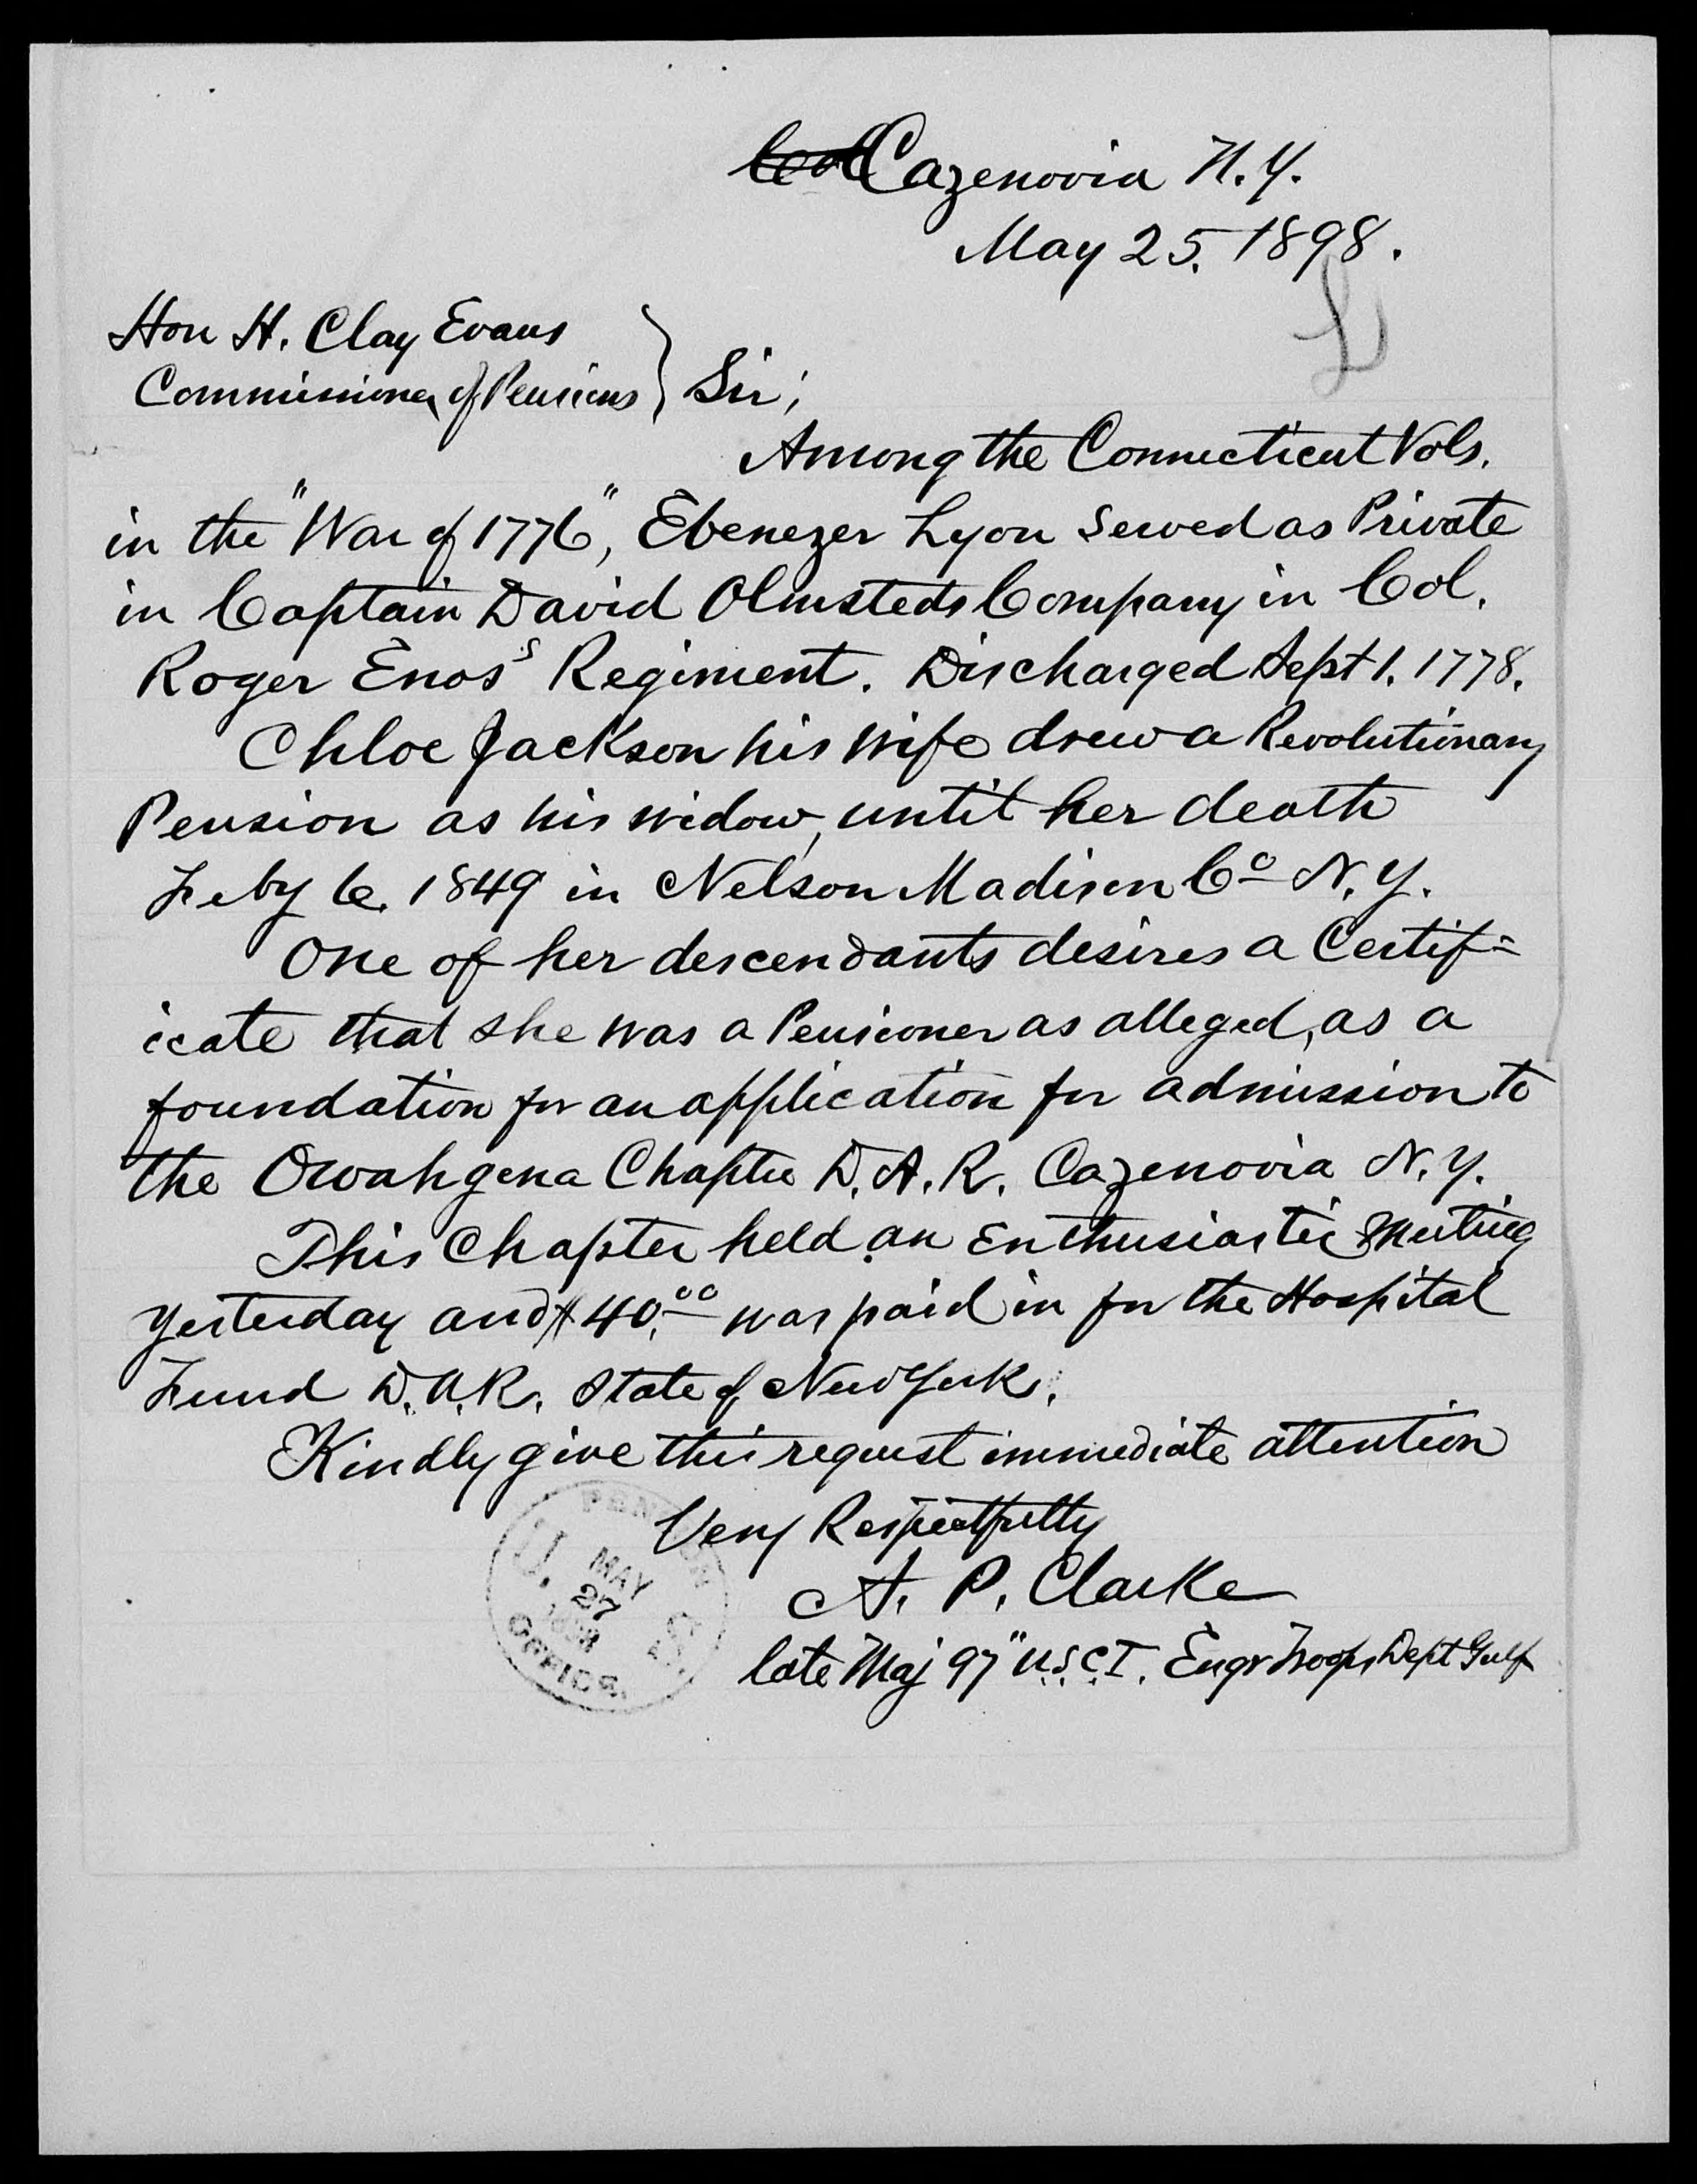Cazenovia N.Y.
May 25, 1898.
L
Hon H. Clay Evans
Commissioner of Pensions
Sir:
Among the Connecticut Vols. in the "War of 1776," Ebenezer Lyon served as Private in Captain David Olmsteds Company in Col. Roger Enos s Regiment. Discharged Sept 1, 1778.
Chloe Jackson his wife drew a Revolutionary Pension as his widow, until her death Feby 6, 1849 in Nelson Madison Co N.Y.
One of her descendants desires a Certificate that she was a Pensioner as alleged, as a foundation for an application for admission to the Owahgena Chapter D.A.R. Cazenovia N.Y.
This chapter held an enthusiastic meeting yesterday and $40.00 was paid in for the Hospital Fund D.A.R. State of New York.
Kindly give this request immediate attention
Very Respectfully
A. P. Clarke
late Maj 97" U.S.C.I. Engr Troops Dept Gulf

[Stamp reads:]
U.S. PENSION OFFICE
MAY 27 18[illegible]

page: 17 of 40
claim: widow's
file: W. 24,615, for Ebenezer Lyon, Connecticut